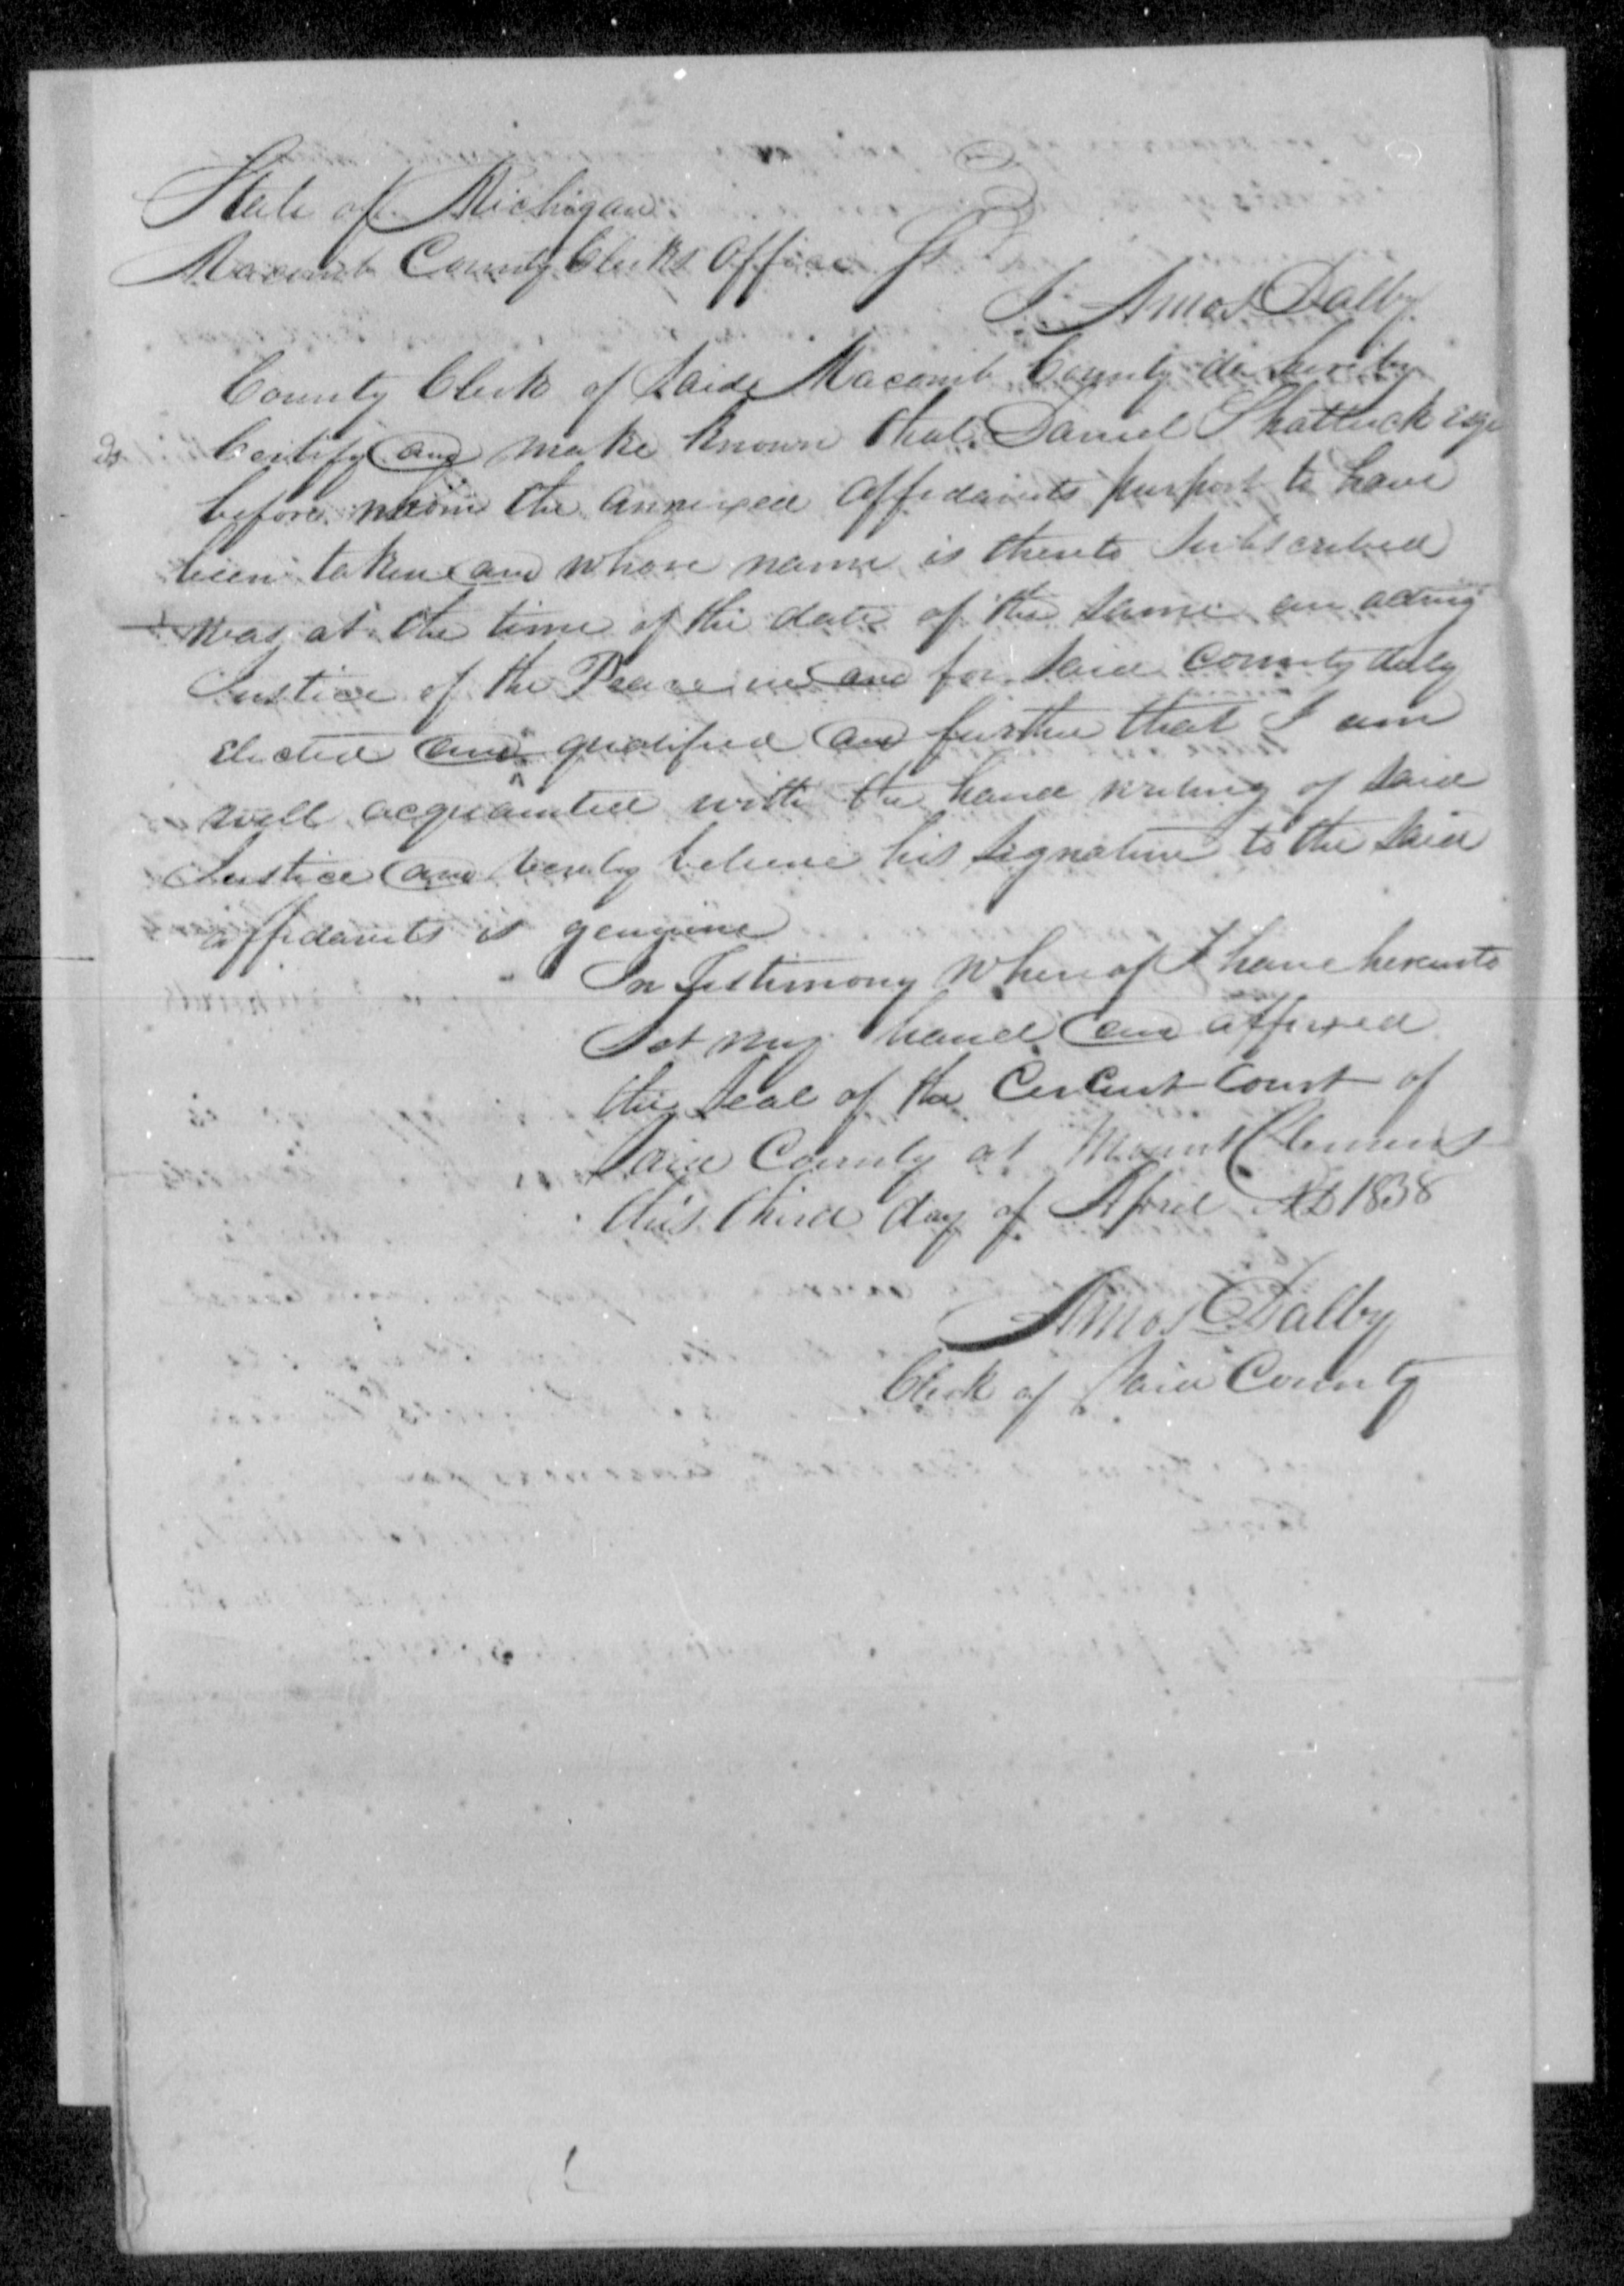State of Michigan
Macomb County Clerks [sic] Office Ss}
I Amos Dalby declare Certify and make known that Daniel Shattuck Esq [ESQUIRE] before whom the annexed affidavits purport to have
been taken and whose name is thereto Subscribed was at the time of the date of the same an acting Justice of the Peace in and for said County duly elected and qualified and further that I am well acquainted with the hand writing of said Justice and verily believe his signature to the said affidavits is genuine
In Testimony whereof I have hereunto Set my hand and affixed the Seal of the Circuit Court of said County at Macomb Courts this third day of April AD 1838
Amos Dalby
Clerk of said County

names: Amos Dalby; Amos Dalby; Daniel Shattuck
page: 19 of 109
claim: widow's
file: W. 5709, for Thomas Richards, New Hampshire